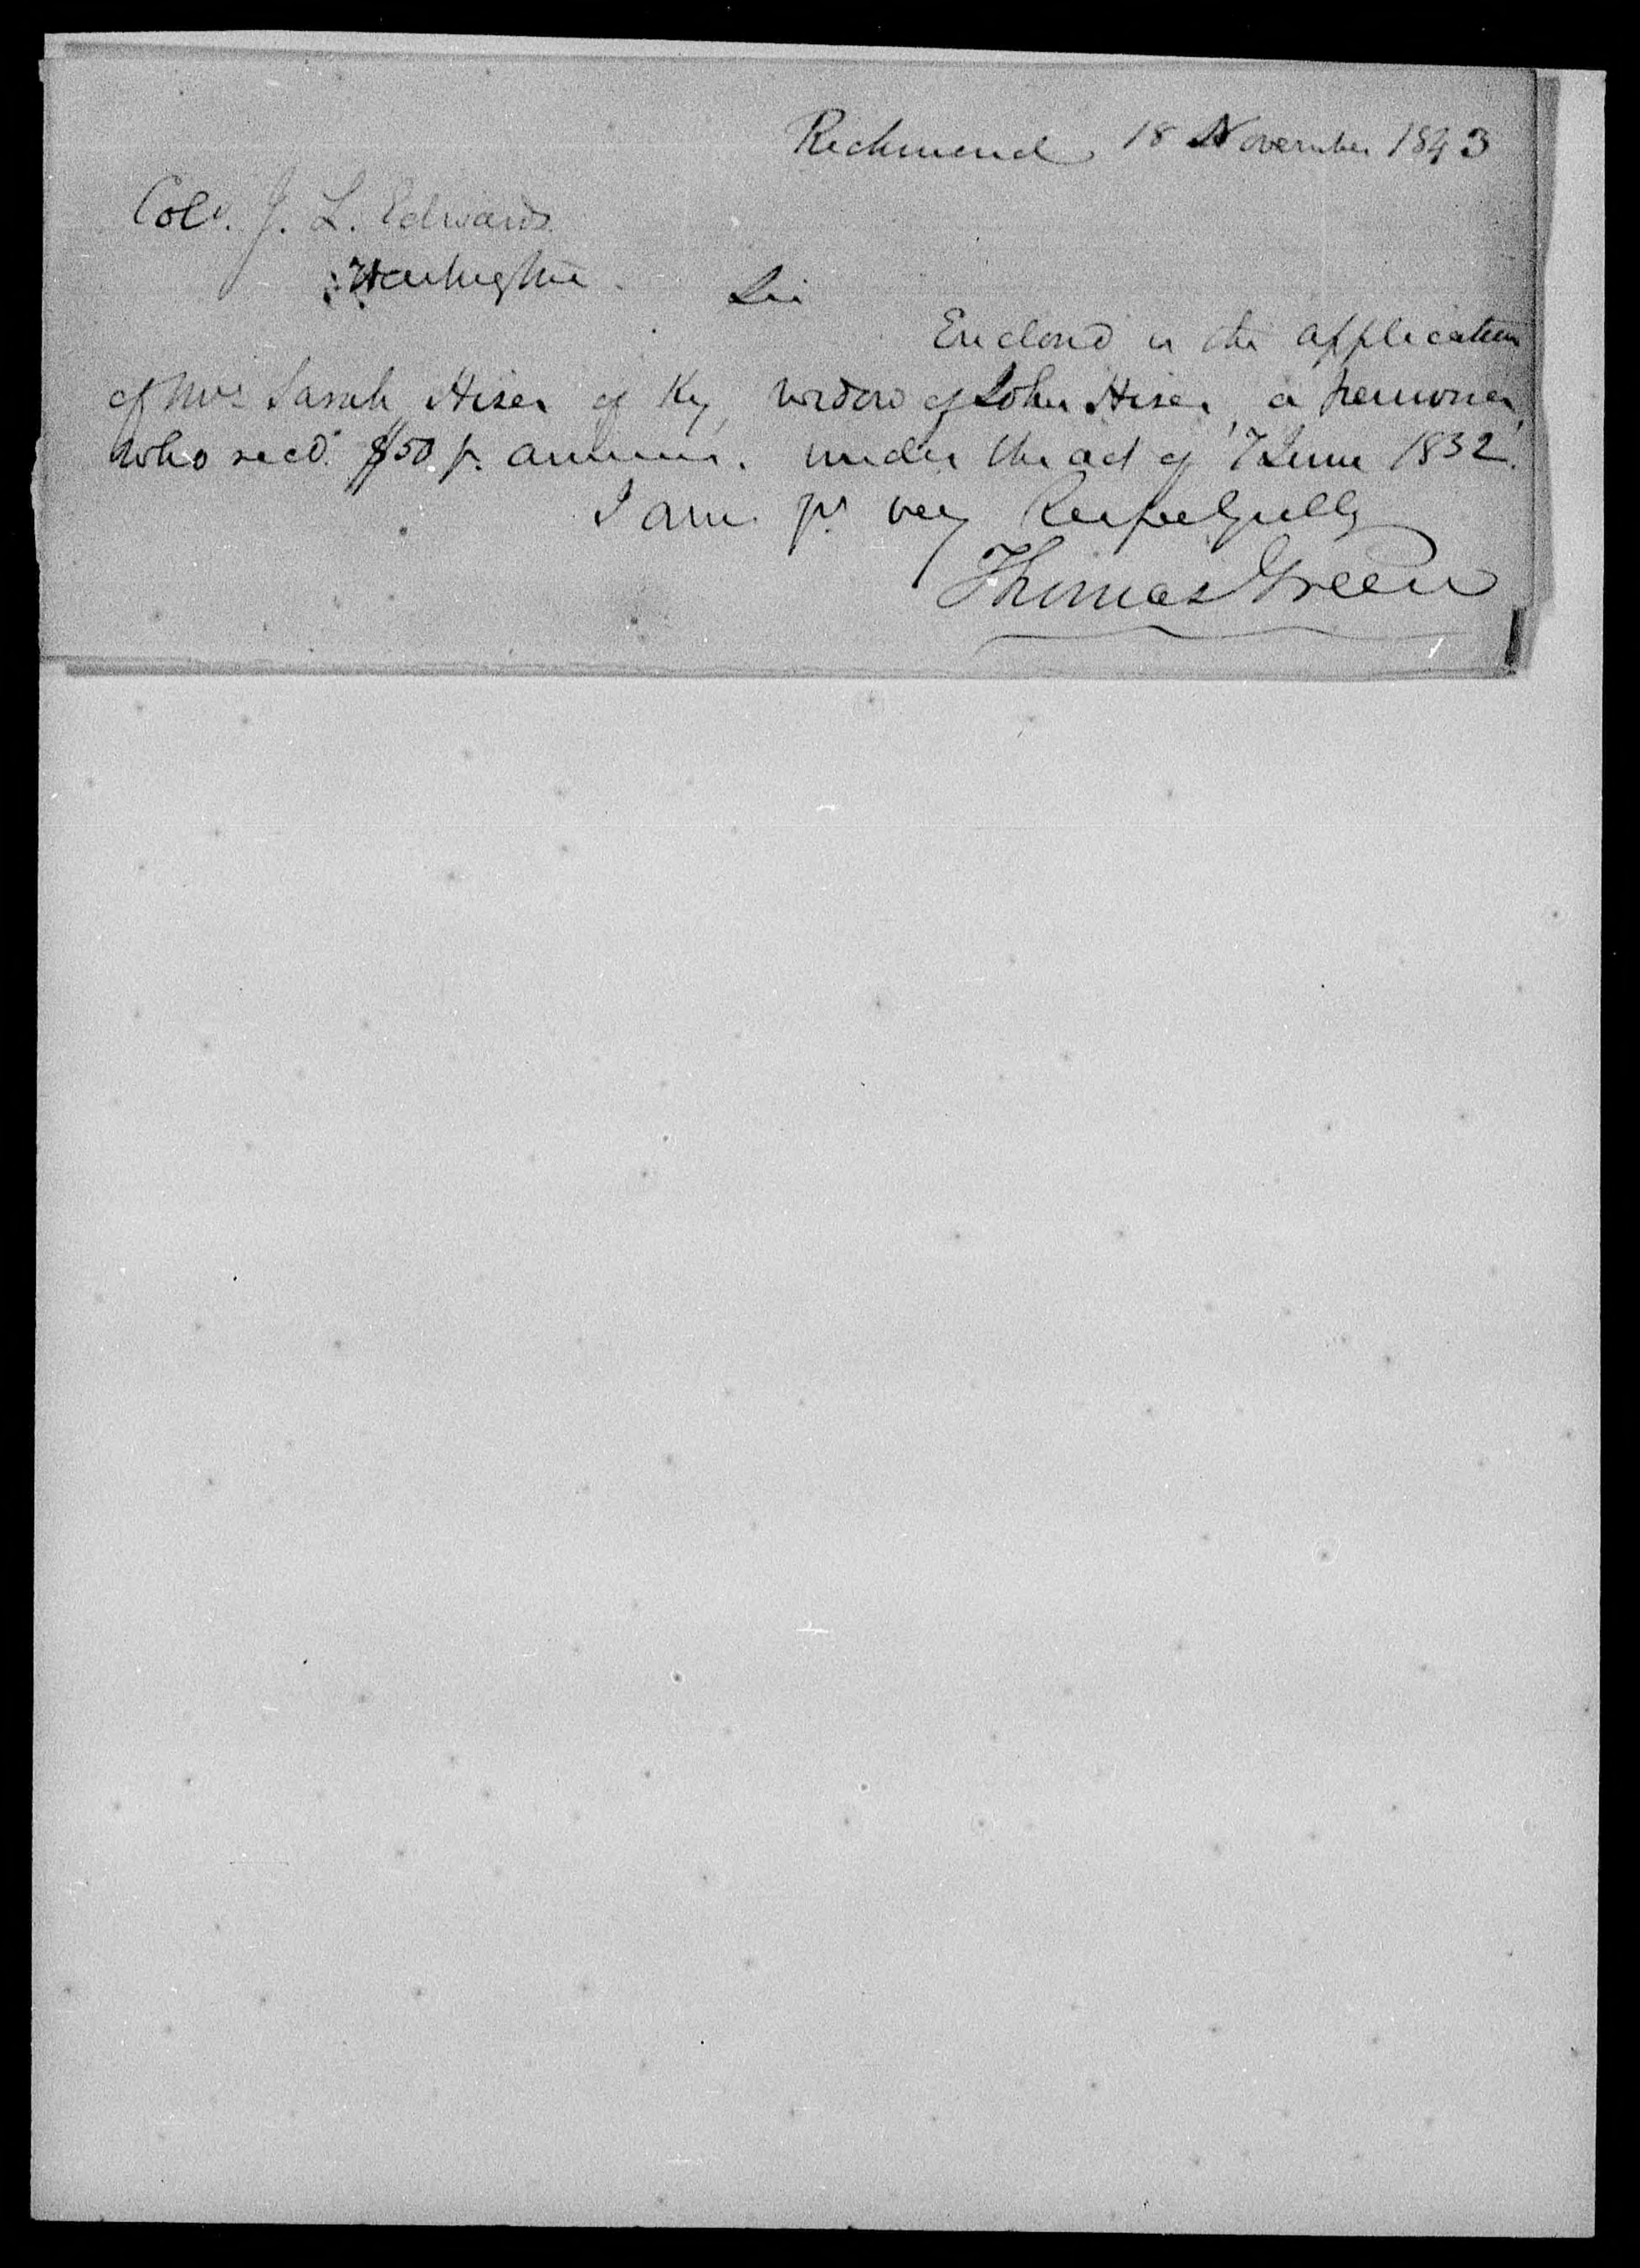Richmond 18 November 1843

Col. J. L. Edwards
Washington
Sir
Enclosed is the application of Mrs. Sarah Hiser of Ky, widow of John Hiser, a pensioner who recd. $50 pr annum under the act of June 1832
I am very Respectfully
Thomas Green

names: John Hiser, J L Edwards, Sarah Hiser, Thomas Green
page: 24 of 58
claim: widow's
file: W. 8932, John Hiser, Penn.